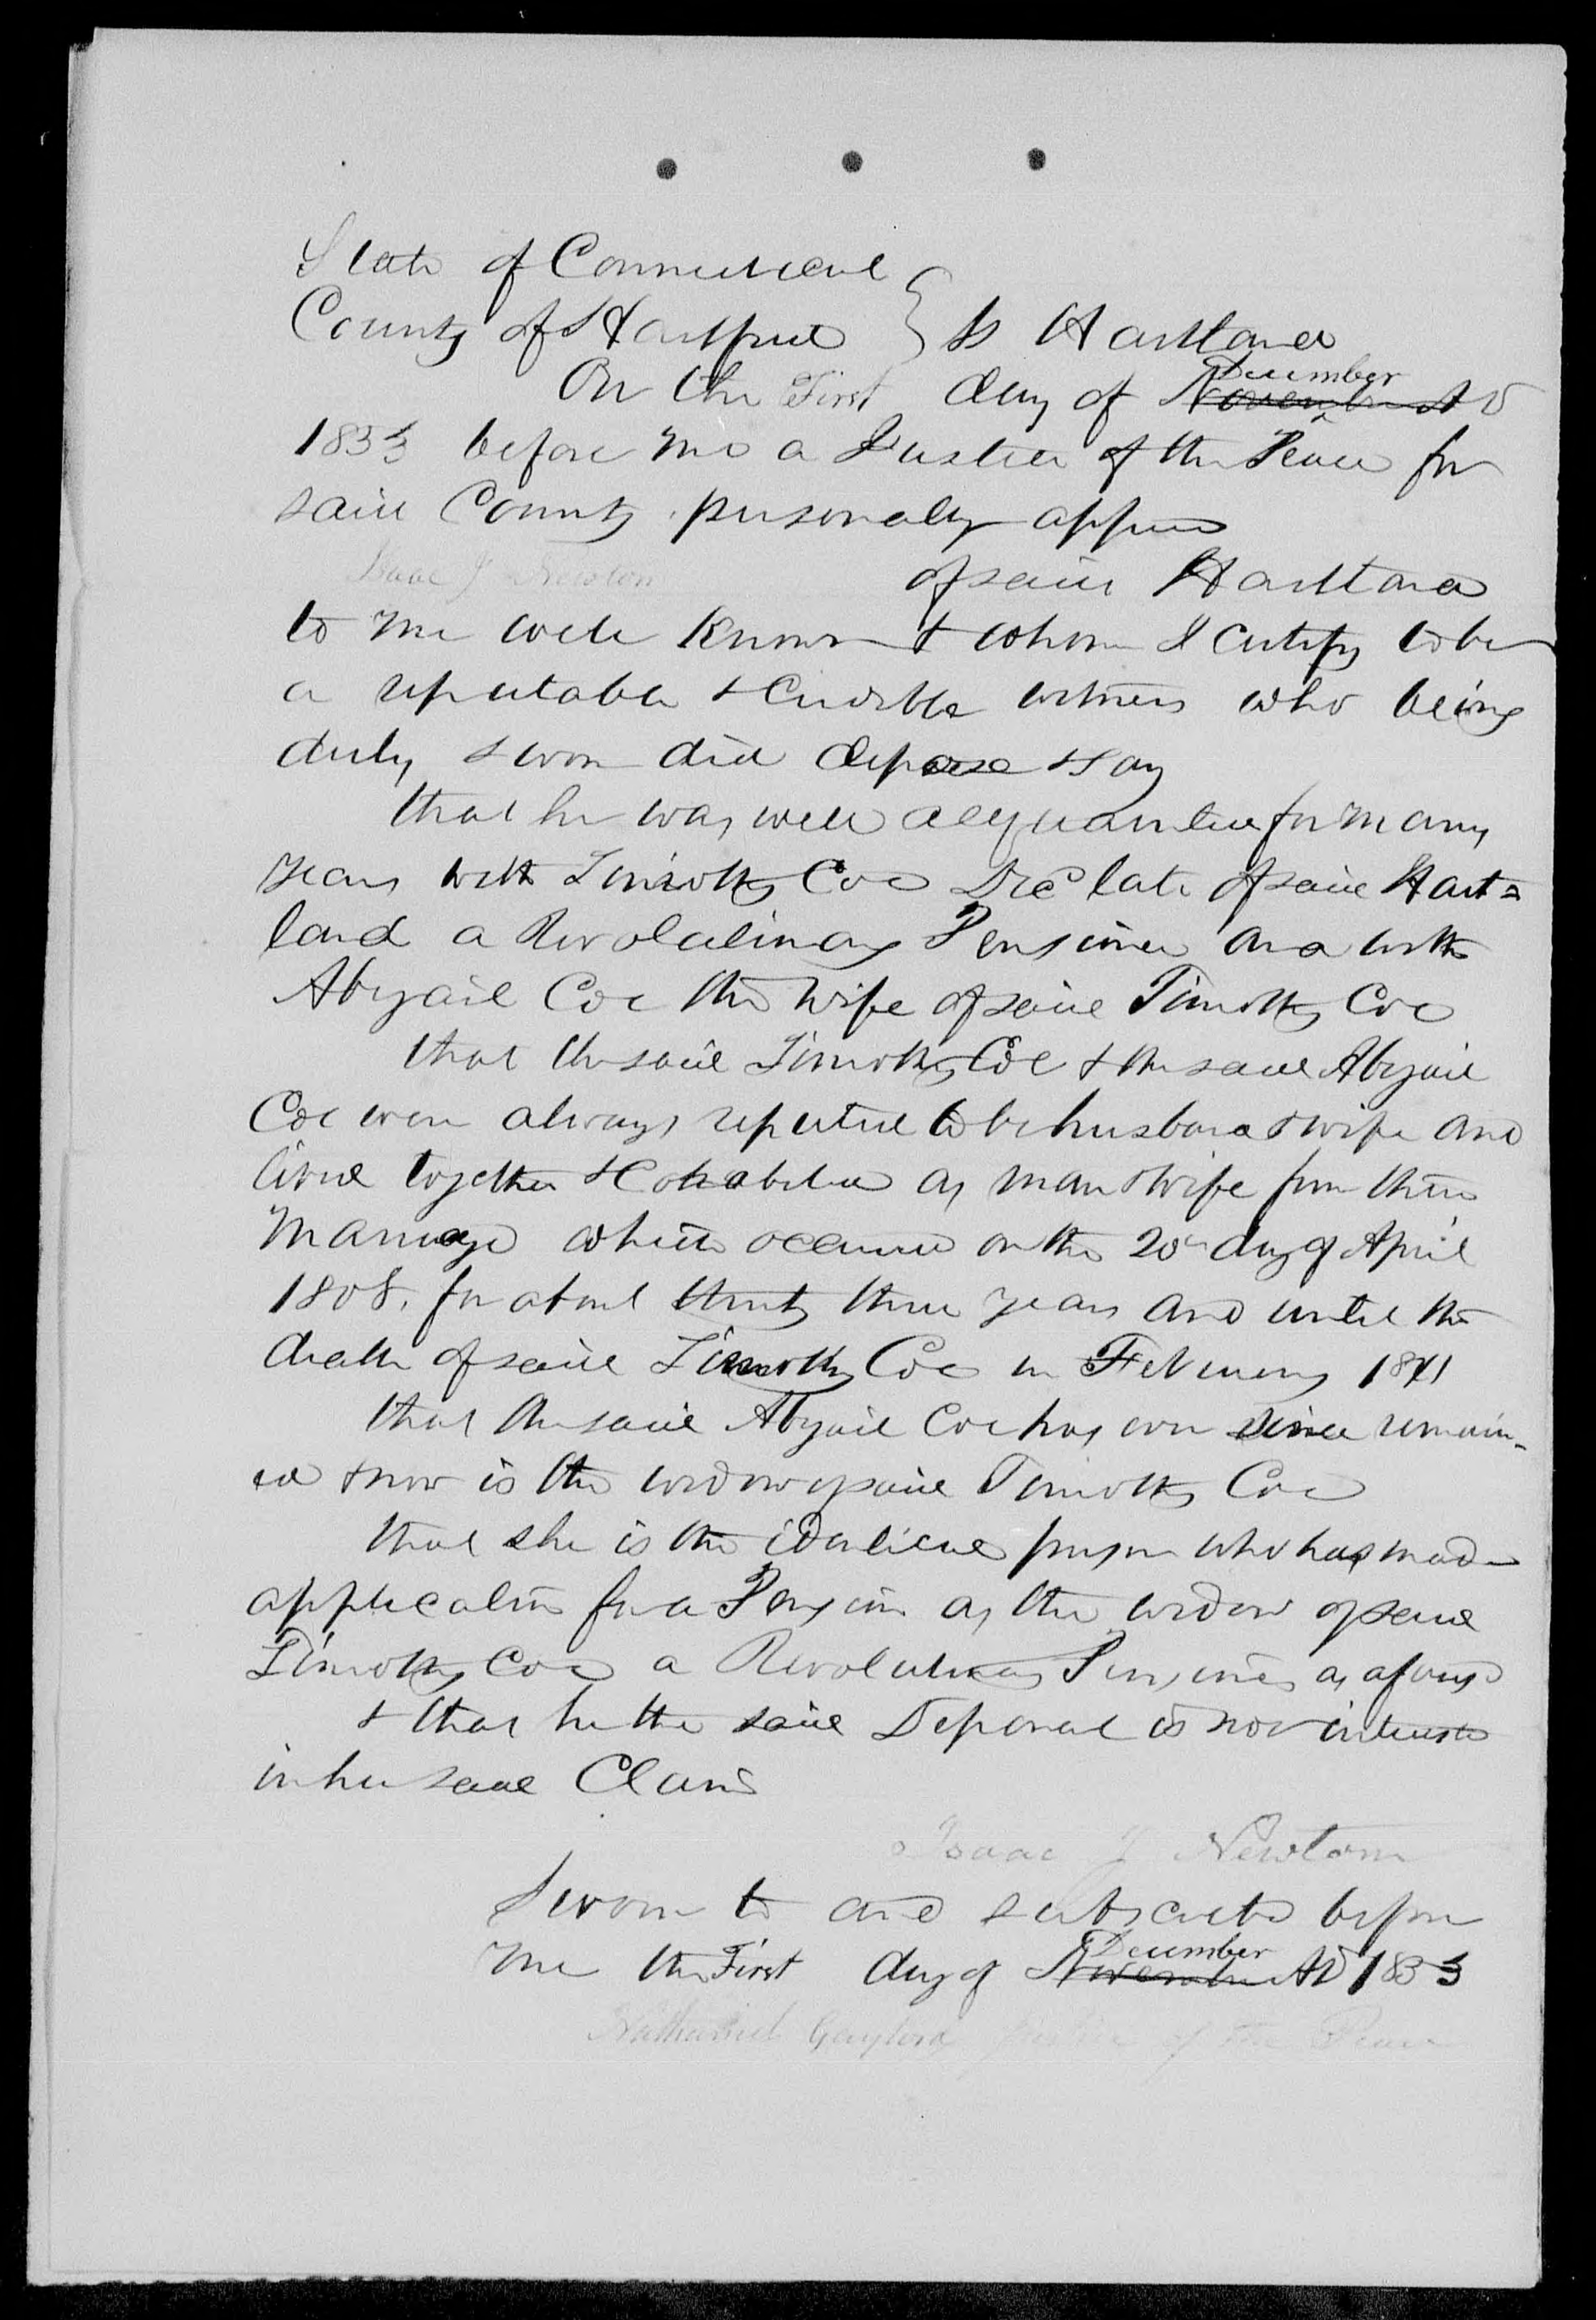State of Connecticut
County of Hartford} ss. Hartland
On this first day of December AD 1853 before me a Justice of the Peace for said county personally appeared Isaac J Newton of said Harland to me well known & whom I certify to be a reputable & credible witness who being duly sworn did depose & say
that he was well acquainted for many years with Timothy Coe decd late of said Hartland a Revolutionary Pensioner  and with Abigail Coe the wife of said Timothy Coe
that the said Timothy Coe & the said Abigail Coe were always reputed to be husband & wife and lived together & cohabitated as man & wife for their marriage which occurred on the 20th day of April 1808, for about thirty three years and until the death of said Timothy Coe
that she is the identical person who has made application for a pension as the widow of said Timothy Coe a Revolutionary Pensioner as aforesaid & that he the said Deponent is not interested in her said claim.
Isaac J Newton

Sworn to and subscribed before me on the first day of December AD 1853.
Nathaniel Gaylord Justice of the Peace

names: Timothy Coe, Isaac J Newton, Abigail Coe, Isaac J Newton, Timothy Coe, Abigail Coe, Timothy Coe, Timothy Coe, Timothy Coe, Nathaniel Gaylord, Abigail Coe, Timothy Coe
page: 62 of 76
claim: widow's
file: W. 5,250, Timothy Coe, Conn.